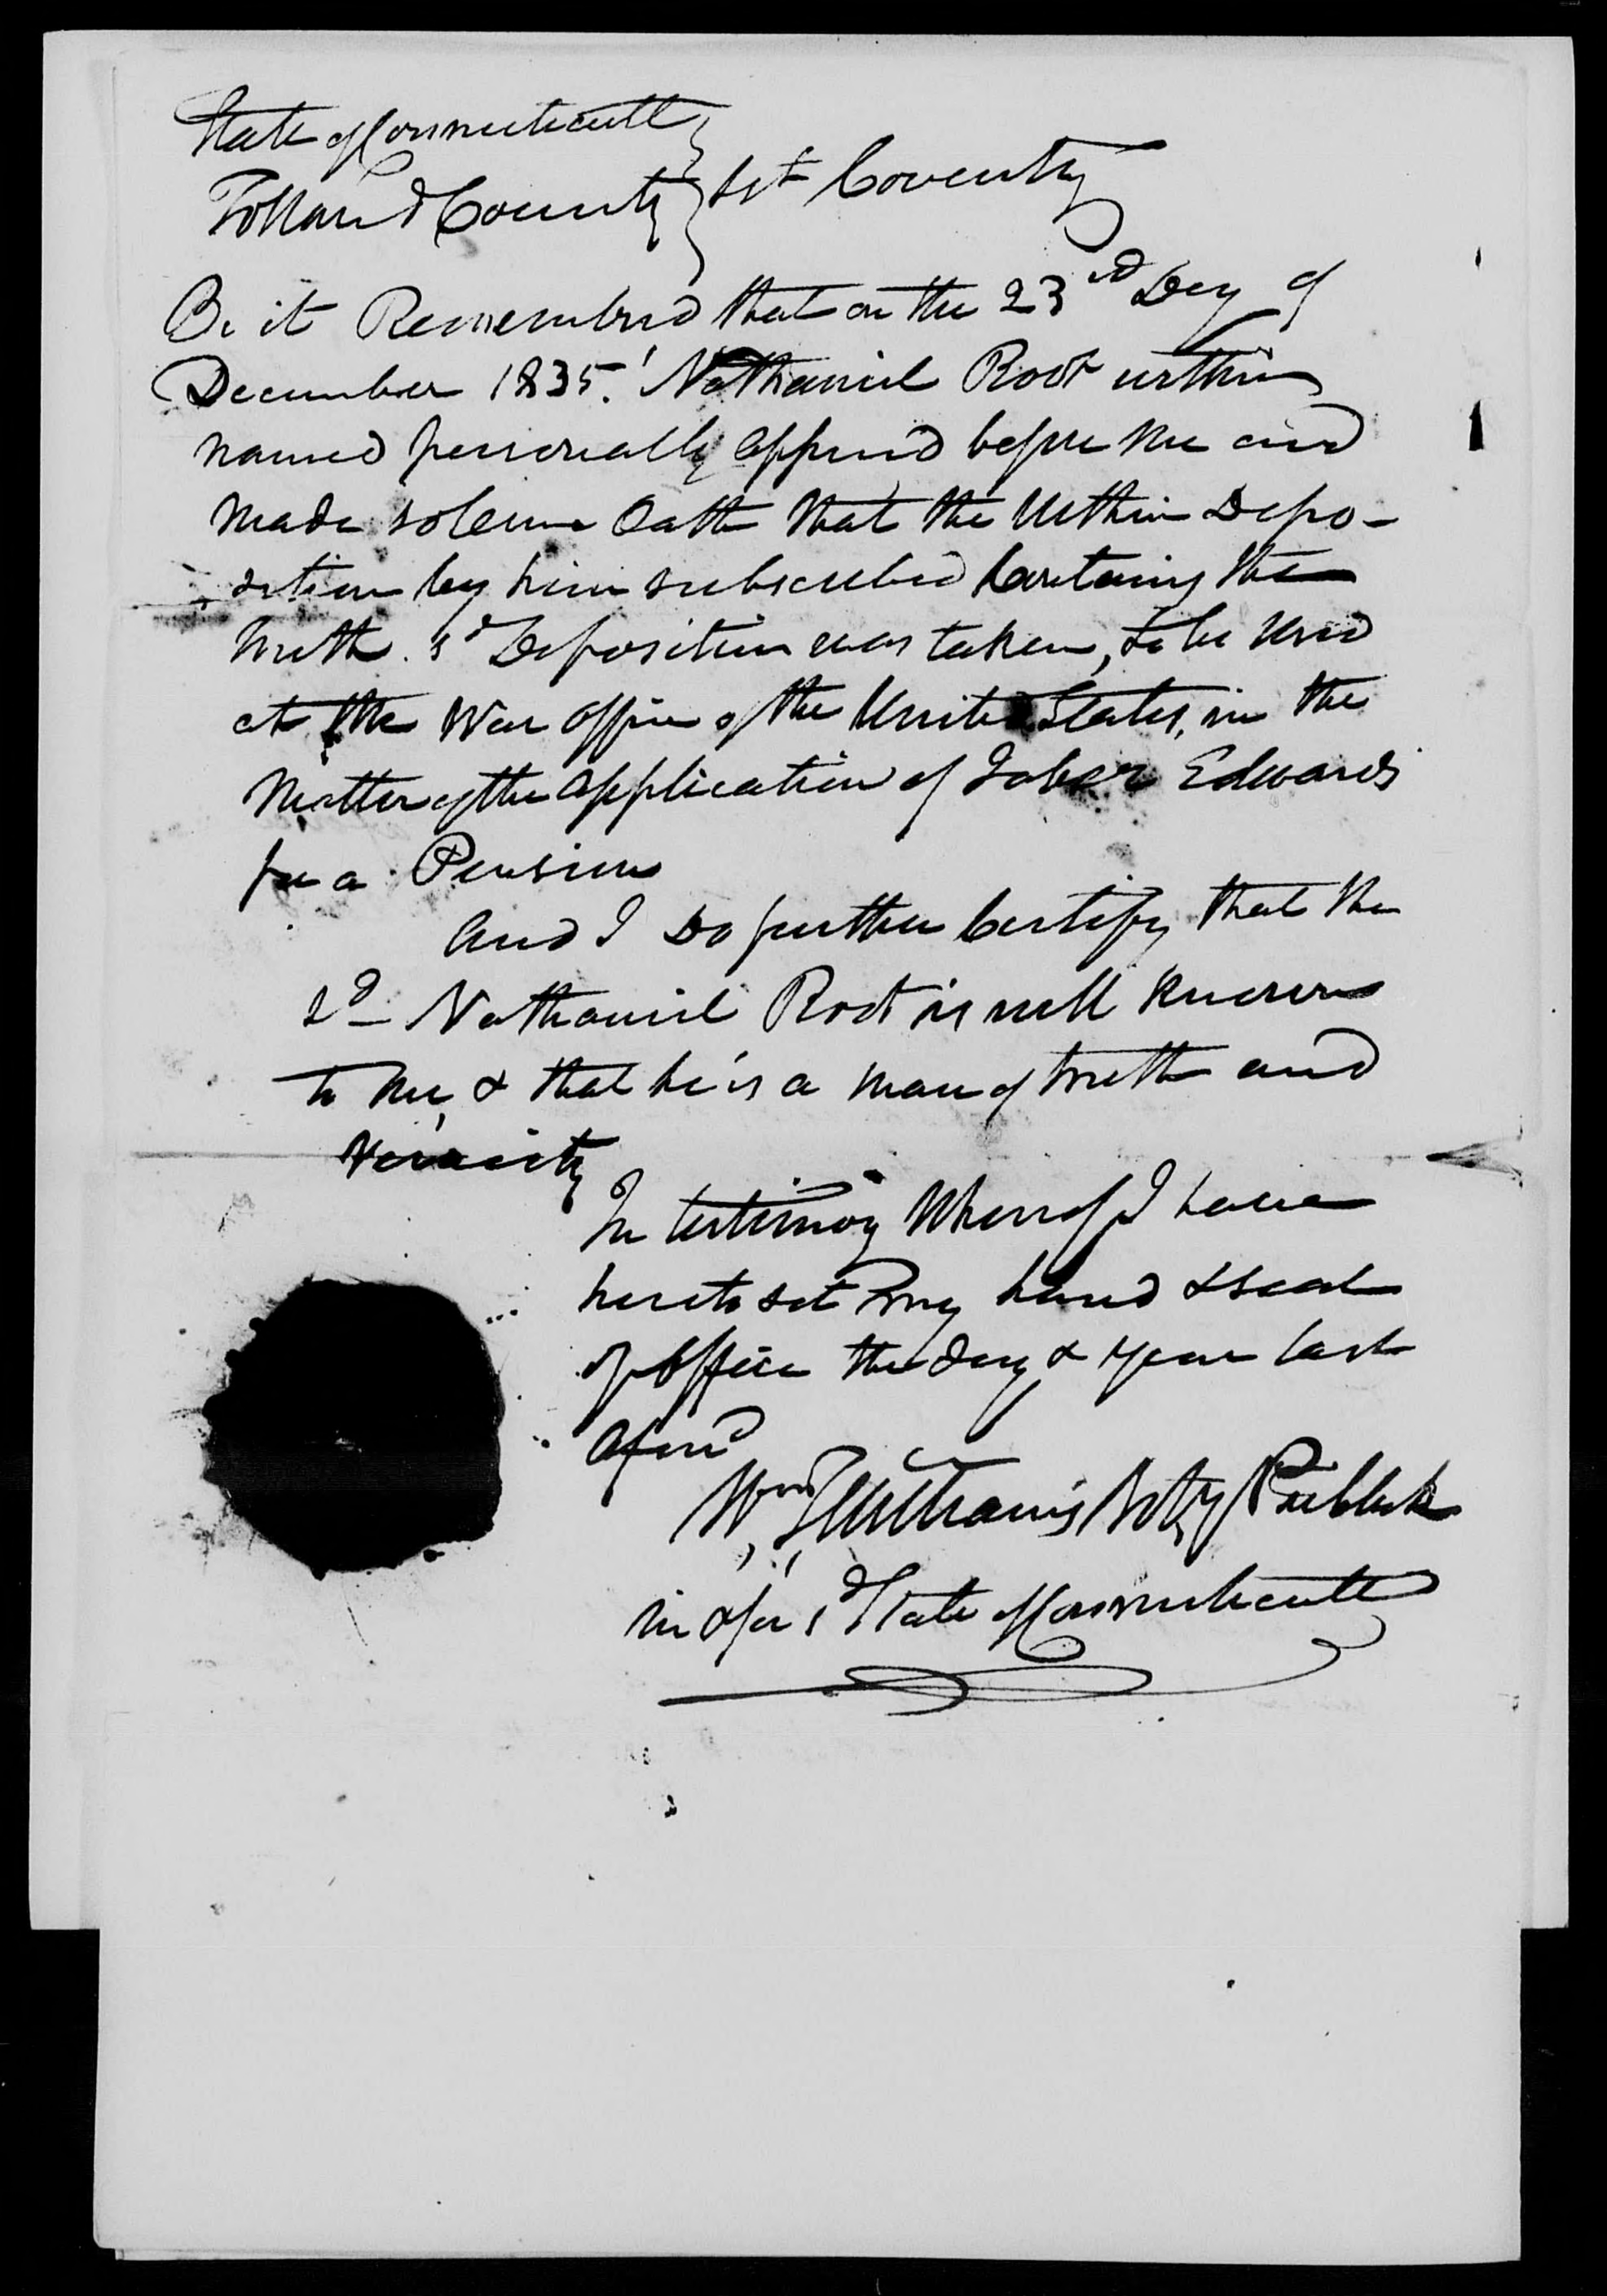State of Connecticut
Tolland County
1st Coventry

Be it remembered that on the 23rd day of December 1835, Nathaniel Root within named personally appeared before me and made solemn oath that the within deposition by him subscribed contains the truth. Said deposition was taken, he was at the War Office of the United States, in the matter of the application of Jaber Edwards for a pension.

And I so further certify that the said Nathaniel Root is well known to me & that he is a man of truth and veracity.

In testimony whereof I have hereto set my hand & seal of office the day & year last aforesaid.

Wm. Williams Notary Public
in aforesaid State of Connecticut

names: Nathaniel Root, Wm T Williams, Nathaniel Root, Jabez Edwards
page: 20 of 50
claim: survivor's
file: S 10607, Jabez Edwards, Conn.